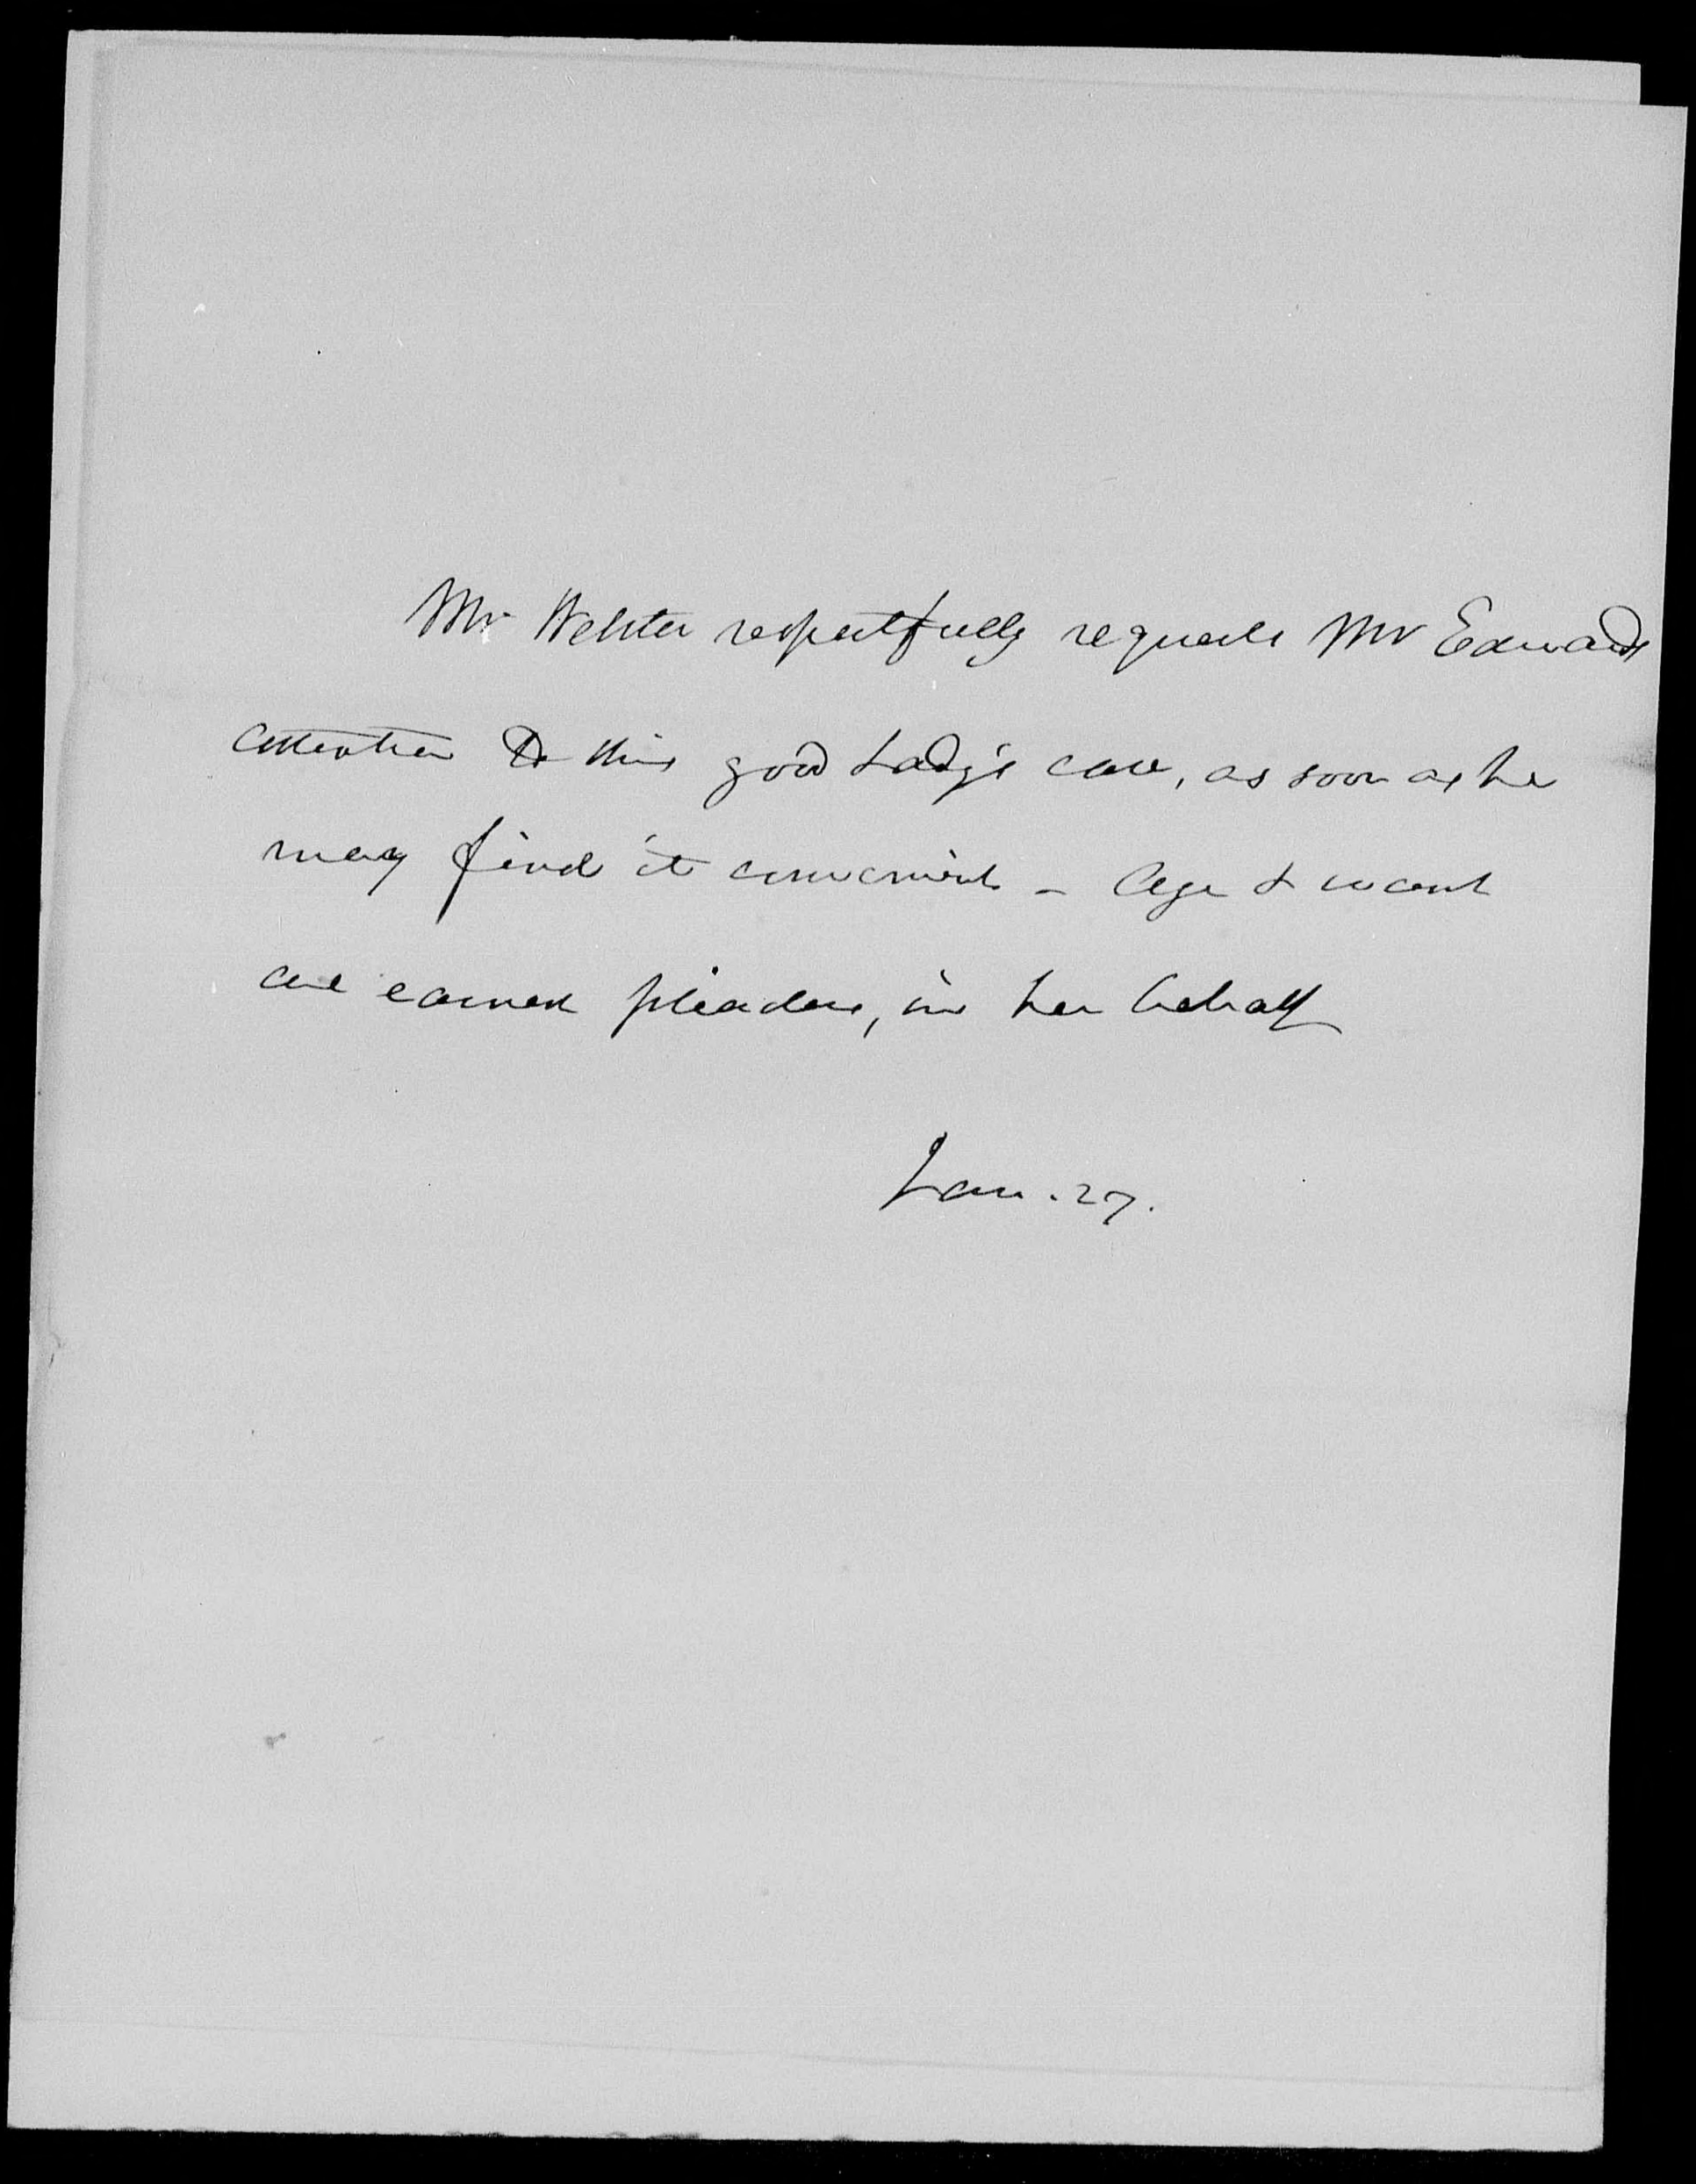Mr. Webster respectfully requests Mr. Edwards consideration to this good lady's case, as soon as he may find it convenient  - ? and want  our earnest ?, in her behalf


Lau 27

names: Edwards, Webster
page: 33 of 33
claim: widow's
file: W. 22862, Tilden Crooker, Mass Navy